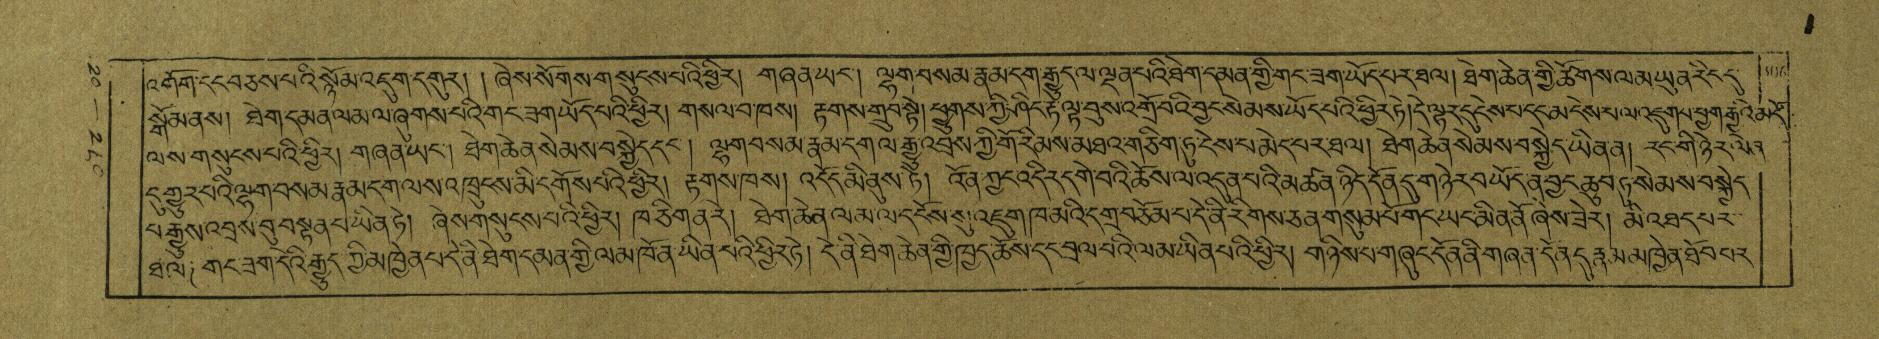འགོག་དང་བཅས་པའི་སྙོམ་འཇུག་དགུར། །ཞེས་སོགས་གསུངས་པའི་ཕྱིར། གཞན་ཡང་། ལྷག་བསམ་རྣམ་དག་རྒྱུད་ལ་ལྡན་པའི་ཐེག་དམན་གྱི་གང་ཟག་ཡོད་པར་ཐལ། ཐེག་ཆེན་གྱི་ཚོགས་ལམ་ཡུན་རིང་དུ་
སྒོམ་ནས། ཐེག་དམན་ལམ་ལ་ཞུགས་པའི་གང་ཟག་ཡོད་པའི་ཕྱིར། གསལ་བ་ཁས། རྟགས་གྲུབ་སྟེ། ཕྱུགས་ཀྱི་ཤིང་རྟ་ལྟ་བུས་འགྲོ་བའི་བྱང་སེམས་ཡོད་པའི་ཕྱིར་ཏེ། དེ་ལྟར་དུ་ངེས་པ་དང་མ་ངེས་པ་ལ་འཇུག་པ་ཕྱག་རྒྱའི་མདོ་
ལས་གསུངས་པའི་ཕྱིར། གཞན་ཡང་། ཐེག་ཆེན་སེམས་བསྐྱེད་དང་། ལྷག་བསམ་རྣམ་དག་ལ་རྒྱུ་འབྲས་ཀྱི་གོ་རིམས་མཐའ་གཅིག་ཏུ་ངེས་པ་མེད་པར་ཐལ། ཐེག་ཆེན་སེམས་བསྐྱེད་ཡིན་ན། རང་གི་ཉེར་ལེན་
དུ་གྱུར་པའི་ལྷག་བསམ་རྣམ་དག་ལས་འཁྲུངས་མི་དགོས་པའི་ཕྱིར། རྟགས་ཁས། འདོད་མི་ནུས་ཏེ། འོན་ཀྱང་འདིར་དགེ་བའི་ཆོས་ལ་འདུན་པའི་མཚན་ཉིད་དོན་དུ་གཉེར་བ་ཡོད་ན་བྱང་ཆུབ་ཏུ་སེམས་བསྐྱེད་
པ་རྒྱུས་འབྲས་བུ་བསྟན་པ་ཡིན་ཏེ། ཞེས་གསུངས་པའི་ཕྱིར། ཁ་ཅིག་ན་རེ། ཐེག་ཆེན་ལམ་ལ་དངོས་སུ་འཇུག་ཁ་མའི་དགྲ་བཅོམ་པ་དེ་ནི་རིགས་ཅན་གསུམ་པོ་གང་ཡང་མིན་ནོ་ཞེས་ཟེར། མི་འཐད་པར་
ཐལ༑ གང་ཟག་དེའི་རྒྱུད་ཀྱི་མཁྱེན་པ་དེ་ནི་ཐེག་དམན་གྱི་ལམ་ཁོ་ན་ཡིན་པའི་ཕྱིར་ཏེ། དེ་ནི་ཐེག་ཆེན་གྱི་ཁྱད་ཆོས་དང་བྲལ་བའི་ལམ་ཡིན་པའི་ཕྱིར། གཉིས་པ་གཞུང་དོན་ནི་གཞན་དོན་དུ་རྣམ་མཁྱེན་ཐོབ་པར་